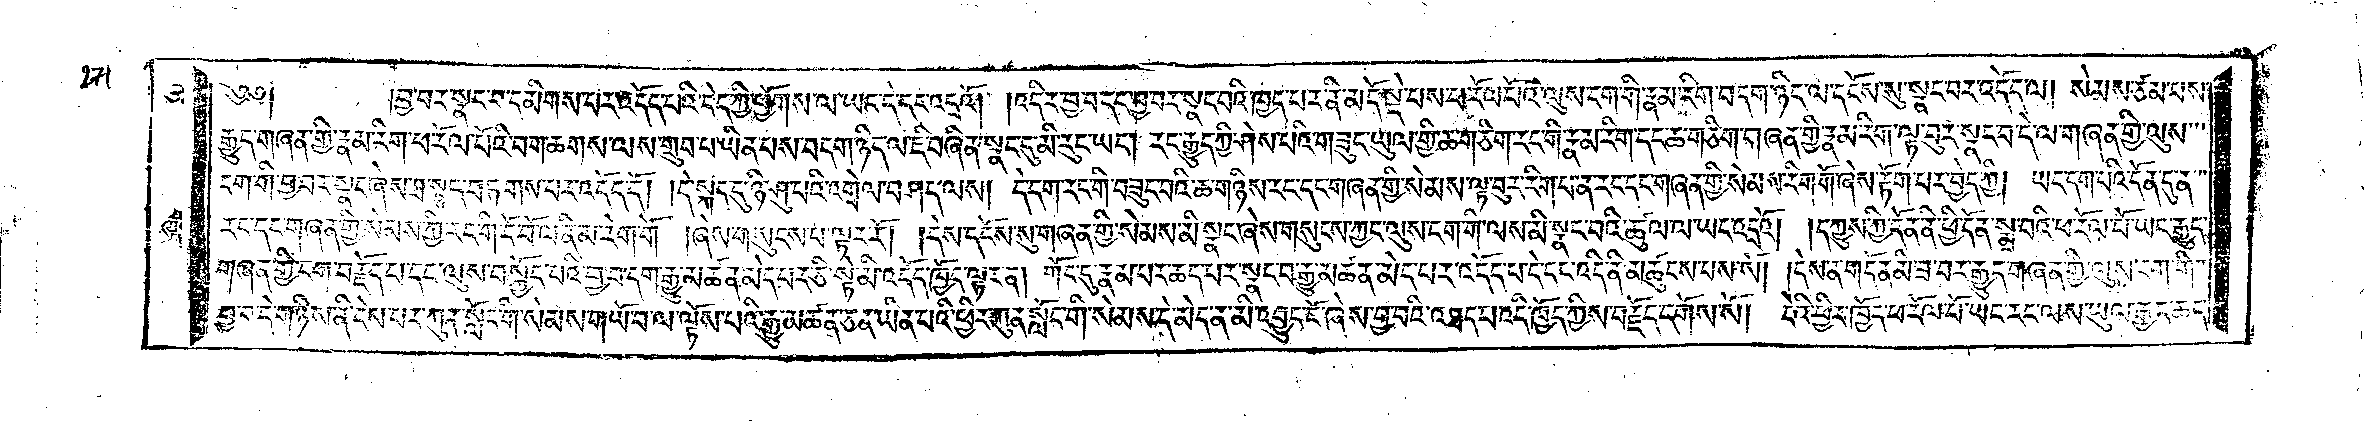༄༅། །བྱ་བར་སྣང་བ་དམིགས་པར་འདོད་པའི་ངེད་ཀྱི་ཕྱོགས་ལ་ཡང་དེ་དང་འདྲའོ། །འདིར་བྱ་བ་དང་བྱ་བར་སྣང་བའི་ཁྱད་པར་ནི་མདོ་སྡེ་བས་ཕ་རོལ་པོའི་ལུས་ངག་གི་རྣམ་རིག་བདག་ཉིད་ལ་དངོས་སུ་སྣང་བར་འདོད་ལ། སེམས་ཙམ་པས་
རྒྱུད་གཞན་གྱི་རྣམ་རིག་ཕ་རོལ་པོའི་བག་ཆགས་ལས་གྲུབ་པ་ཡིན་པས་བདག་ཉིད་ལ་ཇི་བཞིན་སྣང་དུ་མི་རུང་ཡང་། རང་རྒྱུད་ཀྱི་ཤེས་པའི་གཟུང་ཡུལ་གྱི་ཆ་གཅིག་རང་གི་རྣམ་རིག་དང་ཆ་གཅིག་གཞན་གྱི་རྣམ་རིག་ལྟ་བུར་སྣང་བ་དེ་ལ་གཞན་གྱི་ལུས་
ངག་གི་བྱ་བར་སྣང་ཞེས་ཐ་སྙད་བཏགས་པར་འདོད་དོ། །དེ་སྐད་དུ་ཉི་ཤུ་པའི་འགྲེལ་བཤད་ལས། དེ་དག་རང་གི་བཟུང་བའི་ཆ་གཉིས་རང་དང་གཞན་གྱི་སེམས་ལྟ་བུར་རིག་པ་ན་རང་དང་གཞན་གྱི་སེམས་རིག་གོ་ཞེས་རྟོག་པར་བྱེད་ཀྱི། ཡང་དག་པའི་དོན་དུ་ན་
རང་དང་གཞན་གྱི་སེམས་ཀྱི་རང་གི་ངོ་བོ་ལ་ནི་མ་རེག་གོ །ཞེས་གསུངས་པ་ལྟར་རོ། །དེས་དངོས་སུ་གཞན་གྱི་སེམས་མི་སྣང་ཞེས་གསུངས་ཀྱང་ལུས་ངག་གི་ལས་མི་སྣང་བའི་ཚུལ་ལ་ཡང་འདྲའོ། །དཀྱུས་ཀྱི་དོན་ནི་ཕྱི་དོན་སྨྲ་བའི་ཕ་རོལ་པོ་ཡང་རྒྱུད་
གཞན་གྱི་ངག་བརྗོད་པ་དང་ལུས་བསྐྱོད་པའི་བྱ་བ་དག་རྒྱུ་མཚན་མེད་པར་ཅི་སྟེ་མི་འདོད་ཁྱོད་ལྟར་ན། གོང་དུ་རྣམ་པར་ཆད་པར་སྣང་བ་རྒྱུ་མཚན་མེད་པར་འདོད་པ་དེ་དང་འདི་ནི་མཚུངས་པས་སོ། །དེས་ན་གདོན་མི་ཟ་བར་རྒྱུད་གཞན་གྱི་ལུས་ངག་གི་
བྱ་བ་དེ་གཉིས་ནི་ངེས་པར་ཀུན་སློང་གི་སེམས་གཡོ་བ་ལ་ལྟོས་པའི་རྒྱུ་མཚན་ཅན་ཡིན་པའི་ཕྱིར་ཀུན་སློང་གི་སེམས་དེ་མེད་ན་མི་འབྱུང་ངོ་ཞེས་བྱ་བའི་འཐད་པ་འདི་ཁྱོད་ཀྱིས་བརྗོད་དགོས་སོ། དེའི་ཕྱིར་ཁྱོད་ཕ་རོལ་པོ་ཡང་རང་ལས་ཡུལ་རྒྱང་ཆད་